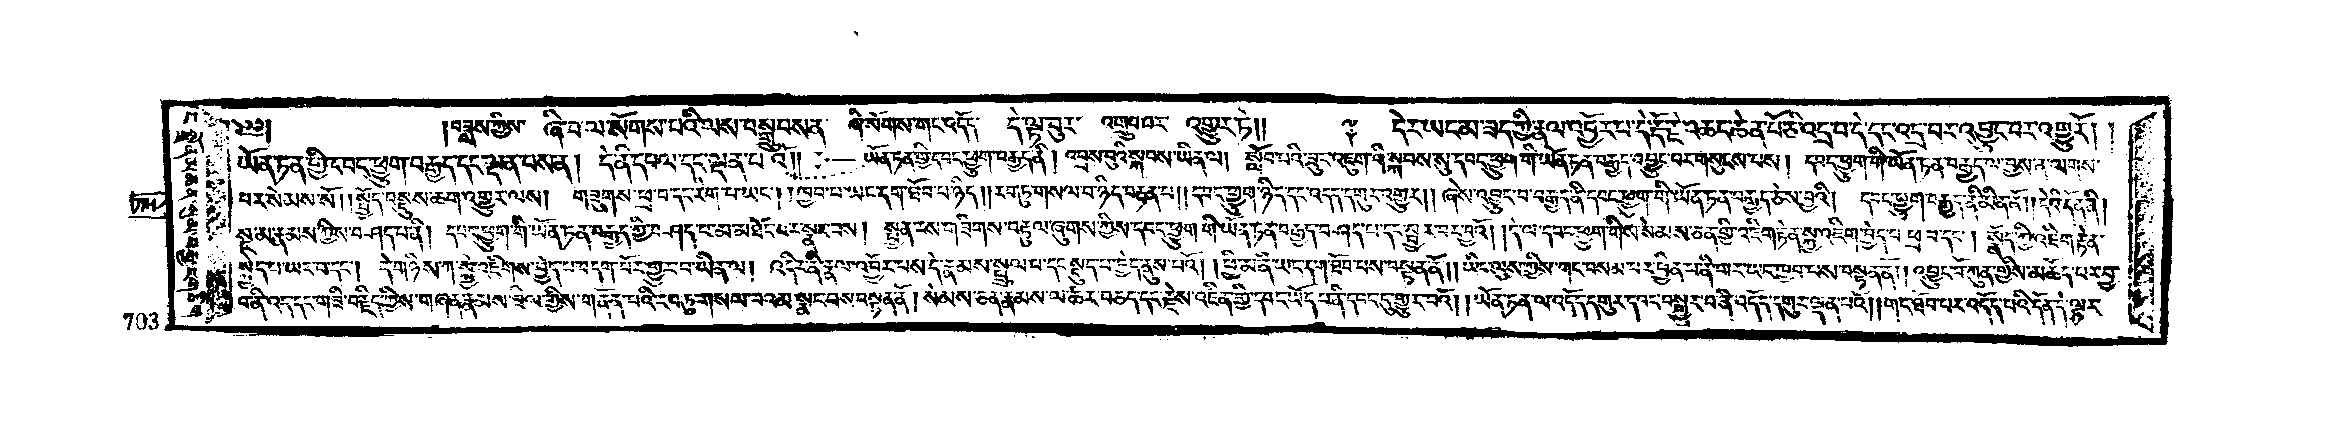༄༅། །བཟླས་ཀྱིས་ཞི་བ་ལ་སོགས་པའི་ལས་བསྒྲུབས་ན་ཞི་སོགས་གང་འདོད་དེ་ལྟ་བུར་འགྲུབ་པར་འགྱུར་ཏེ།། ༈ དེར་ཡང་མ་ཟད་ཀྱི་རྣལ་འབྱོར་པ་དེ་རྡོ་རྗེ་འཆང་ཆེན་པོ་ཅི་འདྲ་བ་དེ་དང་འདྲ་བར་འབྱུང་བར་འགྱུར་རོ། །
ཡོན་ཏན་གྱི་དབང་ཕྱུག་བརྒྱད་དང་ལྡན་པས་ན། དེ་ནི་དཔལ་དང་ལྡན་པའོ།། H.ཡོན་ཏན་གྱི་དབང་ཕྱུག་བརྒྱད་ནི། འབྲས་བུའི་སྐབས་ཡིན་ལ། སློབ་པའི་ཟུང་འཇུག་གི་སྐབས་སུ་དབང་ཕྱུག་གི་ཡོན་ཏན་བརྒྱད་འབྱུང་བར་གསུངས་པས། དབང་ཕྱུག་གི་ཡོན་ཏན་བརྒྱད་ལ་བྱས་ན་ལེགས་
པར་སེམས་སོ། །སྤྱོད་བསྡུས་ཆག་འགྱུར་ལས། གཟུགས་ཕྲ་བ་དང་རེག་པ་ཡང་། །ཁྱབ་པ་ཡང་དག་ཐོབ་པ་ཉིད། །རབ་ཏུ་གསལ་བ་ཉིད་བརྟན་པ། །དབང་ཕྱུག་ཉིད་དང་འདོད་དགུར་འགྱུར། །ཞེས་འབྱུང་བ་བརྒྱད་ནི་དབང་ཕྱུག་གི་ཡོན་ཏན་བརྒྱད་ཅེས་བྱའི། དབང་ཕྱུག་བརྒྱད་ནི་མིན་ནོ། །དའི་དོན་ནི།
སྔ་མ་རྣམས་ཀྱིས་བཤད་པ་ནི། དབང་ཕྱུག་གི་ཡོན་ཏན་བརྒྱད་ཀྱི་བཤད་པ་མ་མཐོང་བར་སྣང་བས། སྤྱན་རས་གཟིགས་བརྟུལ་ཞུགས་ཀྱིས་དབང་ཕྱུག་གི་ཡོན་ཏན་བརྒྱད་བཤད་པ་དང་སྦྱར་བར་བྱའོ། །དེ་ལ་དབང་ཕྱུག་གིས་སེམས་ཅན་གྱི་འཇིག་རྟེན་སྐྱ་འཇིག་བྱེད་པ་ཕྲ་བ་དང་། སྣོད་ཀྱི་འཇིག་རྟེན་
སྐྱེད་པ་ཡང་བ་དང་། དེ་གཉིས་ཀ་སྐྱེ་འཇིགས་བྱེད་པ་བདག་པོར་གྱུར་པ་ཡིན་ལ། འདིར་ནི་རྣལ་འབྱོར་པས་དེ་རྣམས་སྤྲུལ་པ་དང་སྡུད་པ་བྱེད་ནུས་པའོ། །ཕྱི་མ་ནི་ཡང་དག་ཐོབ་པས་བསྟན་ནོ། །ཡིད་ལུས་ཀྱིས་གང་བསམ་པར་ཕྱིན་པ་ནི་གར་ཡང་ཁྱབ་པར་བསྟན་ནོ། ། འབྱུང་བོ་ཀུན་གྱིས་མཆོད་པ་བྱ་
བ་ནི་འོད་དང་གཟི་བརྗིད་ཀྱིས་གཞན་རྣམས་ཟིལ་གྱིས་གནོན་པའི་རབ་ཏུ་གསལ་བའམ་སྣང་བས་བསྟན་ནོ། སེམས་ཅན་རྣམས་ལ་ཚར་བཅད་དང་རྗེས་འཛིན་གྱི་དབང་ཡོད་པ་ནི་དབང་དུ་གྱུར་པའོ། །ཡོན་ཏན་ལ་འདོད་དགུར་དབང་བསྒྱུར་བ་ནི་འདོད་དགུར་ལྡན་པའོ། །གང་ཐོབ་པར་འདོད་པའི་དོན་དེ་ལྟར་